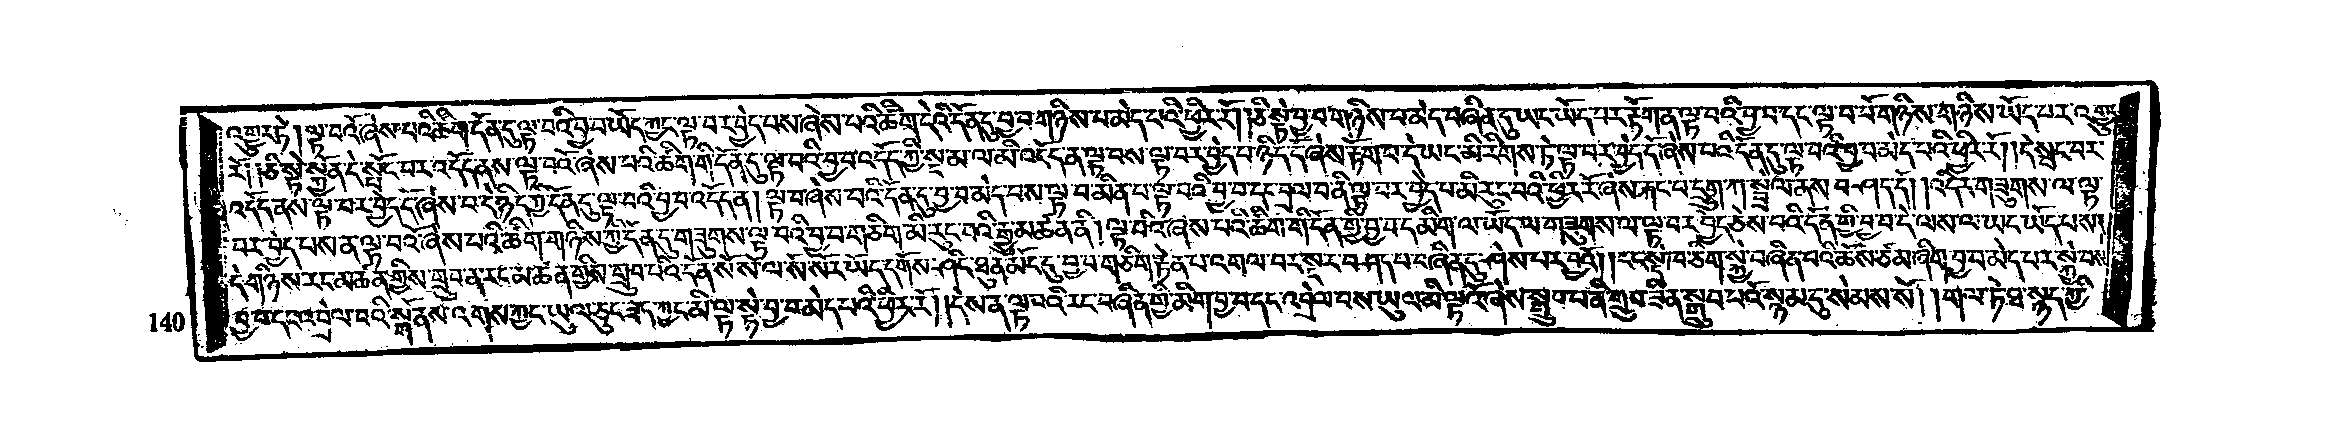འགྱུར་ཏེ། ལྟ་བའོ་ཞེས་པའི་ཚིག་དོན་དུ་ལྟ་བའི་བྱ་བ་ཡོད་ཀྱང་ལྟ་བར་བྱེད་པས་ཞེས་པའི་ཚིག་དེའི་དོན་དུ་བྱ་བ་གཉིས་པ་མེད་པའི་ཕྱིར་རོ། ཅི་སྟེ་བྱ་བ་གཉིས་པ་མེད་པ་བཞིན་དུ་ཡང་ཡོད་པར་རྟོག་ན་ལྟ་བའི་བྱ་བ་དང་ལྟ་བ་པོ་གཉིས་གཉིས་ཡོད་པར་འགྱུར་
རོ། །ཅི་སྟེ་སྐྱོན་དེ་སྤོང་བར་འདོད་ནས་ལྟ་བའོ་ཞེས་པའི་ཚིག་གི་དོན་དུ་ལྟ་བའི་བྱ་བ་འདོད་ཀྱི་སྔ་མ་ལ་མི་འདོད་ན་ལྟ་བས་ལྟ་བར་བྱེད་པ་ཉིད་དོ་ཞེས་རྟོག་པ་དེ་ཡང་མི་རིགས་ཏེ་ལྟ་བར་བྱེད་དོ་ཞེས་པའི་དུ་ལྟ་བའི་བྱ་བ་མེད་པའི་ཕྱིར་རོ། །དེ་སྤང་བར་
འདོད་ནས་ལྟེ་བར་བྱེད་དོ་ཞེས་པ་དེ་ཉིད་ཀྱི་དོན་དུ་ལྟ་བའི་བྱ་བ་འདོད་ན། ལྟ་བ་ཞེས་པའི་དོན་དུ་བྱ་བ་མེད་པས་ལྟ་བ་མིན་པ་ལྟ་བའི་བྱ་བ་དང་བྲལ་བ་ནི་ལྟ་བར་བྱེད་པ་མི་རུང་བའི་ཕྱིར་རོ་ཞེས་རྐང་པ་དྲུག་ཀ་སྤྲེལ་ནས་བཤད་དོ། །འདིར་གཟུགས་ལ་ལྟ་
བར་བྱེད་པས་ན་ལྟ་བའོ་ཞེས་པའི་ཚིག་གཉིས་ཀྱི་དོན་དུ་གཟུགས་ལྟ་བའི་བྱ་བ་གཅིག་མི་རུང་བའི་རྒྱུ་མཚན་ནི། ལྟ་བའི་ཞེས་པའི་ཚིག་གི་དོན་གྱི་བྱ་བ་དམིག་ལ་ཡོད་ལ་གཟུགས་ལ་ལྟ་བར་བྱེད་ཅེས་པའི་དོན་གྱི་བྱ་བ་དེ་ལས་ལ་ཡང་ཡོད་པས།
དེ་གཉིས་རང་མཚན་གྱིས་གྲུབ་ན་རང་མཚན་གྱིས་གྲུབ་པའི་དོན་སོ་སོ་ལ་སོ་སོར་ཡོད་དགོས་ཤིང་ཐུན་མོང་དུ་བྱ་བ་གཅིག་རྟེན་པ་འགལ་བར་སྔར་བཤད་པ་བཞིན་དུ་ཤེས་པར་བྱའོ། །རང་སྡེ་ཁ་ཅིག་སྐྱེ་བཞིན་པའི་ཆོས་ཙམ་ཞིག་བྱ་བ་མེད་པར་སྐྱེ་བས་
བྱ་བ་དང་འབྲེལ་བའི་སྒོ་ནས་འགས་ཀྱང་ཡུལ་ཅུང་ཟད་ཀྱང་མི་ལྟ་སྟེ་བྱ་བ་མེད་པའི་ཕྱིར་རོ། །དེས་ན་ལྟ་བའི་རང་བཞིན་ཀྱི་མིག་བྱ་བ་དང་འབྲེལ་བས་ཡུལ་མི་ལྟའོ་ཞེས་སྒྲུབ་པ་ནི་གྲུབ་ཟིན་སྒྲུབ་པའོ་སྙམ་དུ་སེམས་སོ། །གལ་ཏེ་ཐ་སྙད་ཀྱི་